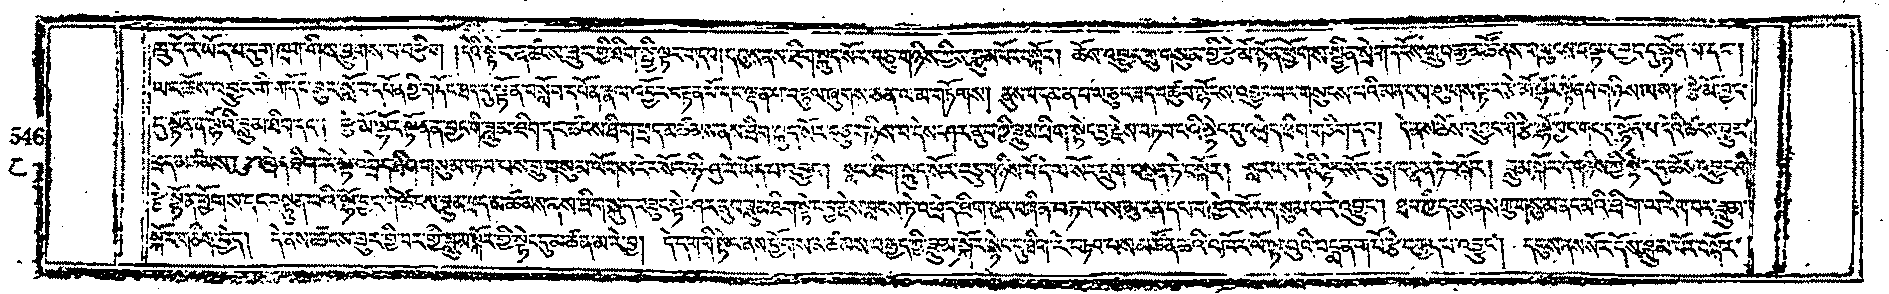ཁྲུ་དོ་རེ་ཡོད་པ་དུག་ཁྲག་གིས་བྱུགས་པ་བརྩིག །དེའི་སྟེང་ན་ཚངས་ཟུར་གྱི་ཐིག་སྤྱི་ལྟར་གདབ། དབུས་ནས་ཐིག་སྐུད་སོར་བཅུ་གཉིས་ཀྱིས་ཟླུམ་པོར་བསྐོར། ཆོས་འབྱུང་གྲུ་གསུམ་གྱི་རྩེ་མོ་སྟོན་ཕྱོགས་སྦྱིན་སྲེག་དངོས་གྲུབ་རྒྱ་མཚོ་ནས་གསུངས་པ་ལྟར་བྱང་དུ་སྟོན་པ་དང་།
ཡང་ཆོས་འབྱུང་གི་གདོང་ཟུར་སློབ་དཔོན་གྱི་གདོང་ཐད་དུ་སྟོན་པ་སློབ་དཔོན་རྣལ་འབྱོར་བརྟན་པོ་དང་ལྡན་པ་བརྟུལ་ཞུགས་ཅན་ལ་མ་གཏོགས། ནུས་པ་དམན་པ་ལ་ཅུང་ཟད་འཚུབ་ལྷོངས་འབྱུང་བར་གསུངས་པའི་མན་ངག་ལུགས་ལྟར་རྩེ་མོ་ལྷོར་སྟོན་པ་གཉིས་ལས། རྩེ་མོ་བྱང་
དུ་སྟོན་ན་ལྷོའི་ཟླུམ་ཐིག་དང་། རྩེ་མོ་ལྷོར་སྟོན་ན་བྱང་གྱི་ཟླུམ་ཐིག་དང་ཚངས་ཐིག་ཕྲད་མཚམས་ནས་ཐིག་སྐུད་སོར་བཅུ་གཉིས་པ་དེས་ཤར་ནུབ་ཀྱི་ཟླུམ་ཐིག་སྟེང་བྱ་རྗེས་བཏབ་པའི་སྟེང་དུ་འཕྲེད་ཐིག་གཅིག་དང་། དེ་ནས་ཆོས་འབྱུང་གི་རྩེ་ལྷོ་བྱང་གང་དུ་སྟོན་པ་དེའི་ཚངས་བླུམ་
ཕྲད་མཚམས་སུ་འཕྲེད་ཐིག་རེ་སྟེ་འཕྲེད་ཐིག་གསུམ་བཏབ་པས་གྲུ་གསུམ་ལོགས་རེར་སོར་ཉི་ཤུ་རེ་ཡོད་པ་འབྱུང་། སླར་ཐིག་སྐུད་སོར་བཅུ་གཉིས་པོ་དེ་ལ་སོར་དྲུག་བསྟན་ཏེ་བསྐོར། སླར་ཡང་དེའི་སྟེང་སོར་དྲུག་བསྣན་ཏེ་བསྐོར། ཟླུམ་སྐོར་དེ་གཉིས་ཀྱི་སྟེང་དུ་ཆོས་འབྱུང་གི་
རྩེ་སྟོན་ཕྱོགས་དང་བསྟུན་པའི་ལྷོ་བྱང་གི་ཚངས་ཟླུམ་ཕྲད་མཚམས་ནས་ཐིག་སྐུད་བཟུང་སྟེ་ཤར་ནུབ་ཟླུམ་ཐིག་སྟེང་བྱ་རྗེས་བླངས་ཏེ་འཕྲེད་ཐིག་སྔར་བཞིན་བཏབ་པས་མུ་རང་དང་ཁ་ཁྱེར་སོར་གསུམ་པ་རེ་འབྱུང་། ཐབ་ཀྱི་དབུས་ནས་གྲུ་གསུམ་ནང་མའི་ཐིག་ལ་རེག་པར་ཟླུམ་
སྐོར་གཅིག་བྱེད། དེ་ནས་ཚངས་ཟུར་གྱི་བར་གྱི་ཟླུམ་སྐོར་གྱི་སྟེང་དུ་མཚན་མ་རེ་བྱ། དེ་དག་གི་སྟེང་ནས་ཕྱོགས་མཚམས་བརྒྱད་ཀྱི་ཟླུམ་སྐོར་སྟེང་དུ་ཐིག་རེ་བཏབ་པས་མཚོན་ཆའི་འཁོར་ལོ་ལྟ་བུའི་པདམ་ནག་པོ་རྩེ་བརྒྱད་པ་འབྱུང་། དབུས་ནས་སོར་དོས་ཟླུམ་པོར་བསྐོར་་་